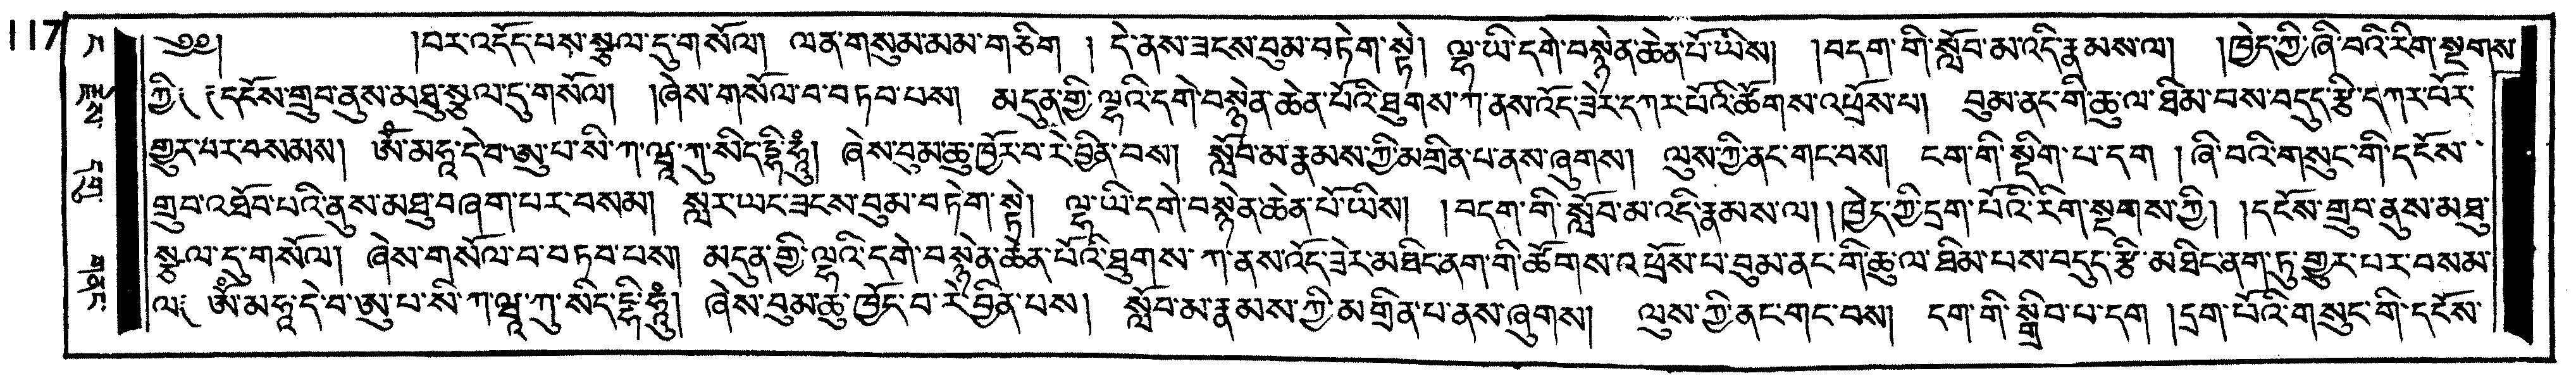༄༅། །བར་འདོད་པས་སྩལ་དུ་གསོལ། ལན་གསུམ་མམ་གཅིག །དེ་ནས་ཟངས་བུམ་བཏེག་སྟེ། ལྷ་ཡི་དགེ་བསྙེན་ཆེན་པོ་ཡིས། །བདག་གི་སློབ་མ་འདི་རྣམས་ལ། །ཁྱེད་ཀྱི་ཞི་བའི་རིག་སྔགས་
ཀྱི༑ ༑དངོས་གྲུབ་ནུས་མཐུ་སྩལ་དུ་གསོལ། །ཞེས་གསོལ་བ་བཏབ་པས། མདུན་གྱི་ལྷའི་དགེ་བསྙེན་ཆེན་པོའི་ཐུགས་ཀ་ནས་འོད་ཟེར་དཀར་པོའི་ཚོགས་འཕྲོས་པ། བུམ་ནང་གི་ཆུ་ལ་ཐིམ་པས་བདུད་རྩི་དཀར་པོར་
གྱུར་བར་བསམས། ཨོཾ་མཧཱ་དེ་བ་ཨུ་པ་སི་ཀ་ཝཱ་ཀུ་སིད་དྷི་ཧཱུཾ། ཞེས་བུམ་ཆུ་ཁྱོར་བ་རེ་བྱིན་བས། སློབ་མ་རྣམས་ཀྱི་མགྲིན་པ་ནས་ཞུགས། ལུས་ཀྱི་ནང་གང་བས། ངག་གི་སྡིག་པ་དག །ཞི་བའི་གསུང་གི་དངོས་
གྲུབ་འཐོབ་པའི་ནུས་མཐུ་བཞག་པར་བསམ། སླར་ཡང་ཟངས་བུམ་བཏེག་སྟེ། ལྷ་ཡི་དགེ་བསྙེན་ཆེན་པོ་ཡིས། །བདག་གི་སློབ་མ་འདི་རྣམས་ལ། །ཁྱེད་ཀྱི་དྲག་པོའི་རིག་སྔགས་ཀྱི། །དངོས་གྲུབ་ནུས་མཐུ་
སྩལ་དུ་གསོལ། ཞེས་གསོལ་བ་བཏབ་པས། མདུན་གྱི་ལྷའི་དགེ་བསྙེན་ཆེན་པོའི་ཐུགས་ཀ་ནས་འོད་ཟེར་མཐིང་ནག་གི་ཚོགས་འཕྲོས་པ་བུམ་ནང་གི་ཆུ་ལ་ཐིམ་པས་བདུད་རྩི་མཐིང་ནག་ཏུ་གྱུར་པར་བསམ་
ལ༑ ཨོཾ་མཧཱ་དེ་བ་ཨུ་པ་སི་ཀ་ཝཱ་ཀུ་སིད་དྷི་ཧཱུཾ། ཞེས་བུམ་ཆུ་ཁྱོད་བ་རེ་བྱིན་པས། སློབ་མ་རྣམས་ཀྱི་མགྲིན་པ་ནས་ཞུགས། ལུས་ཀྱི་ནང་གང་བས། ངག་གི་སྒྲིབ་པ་དག །དྲག་པོའི་གསུང་གི་དངོས་